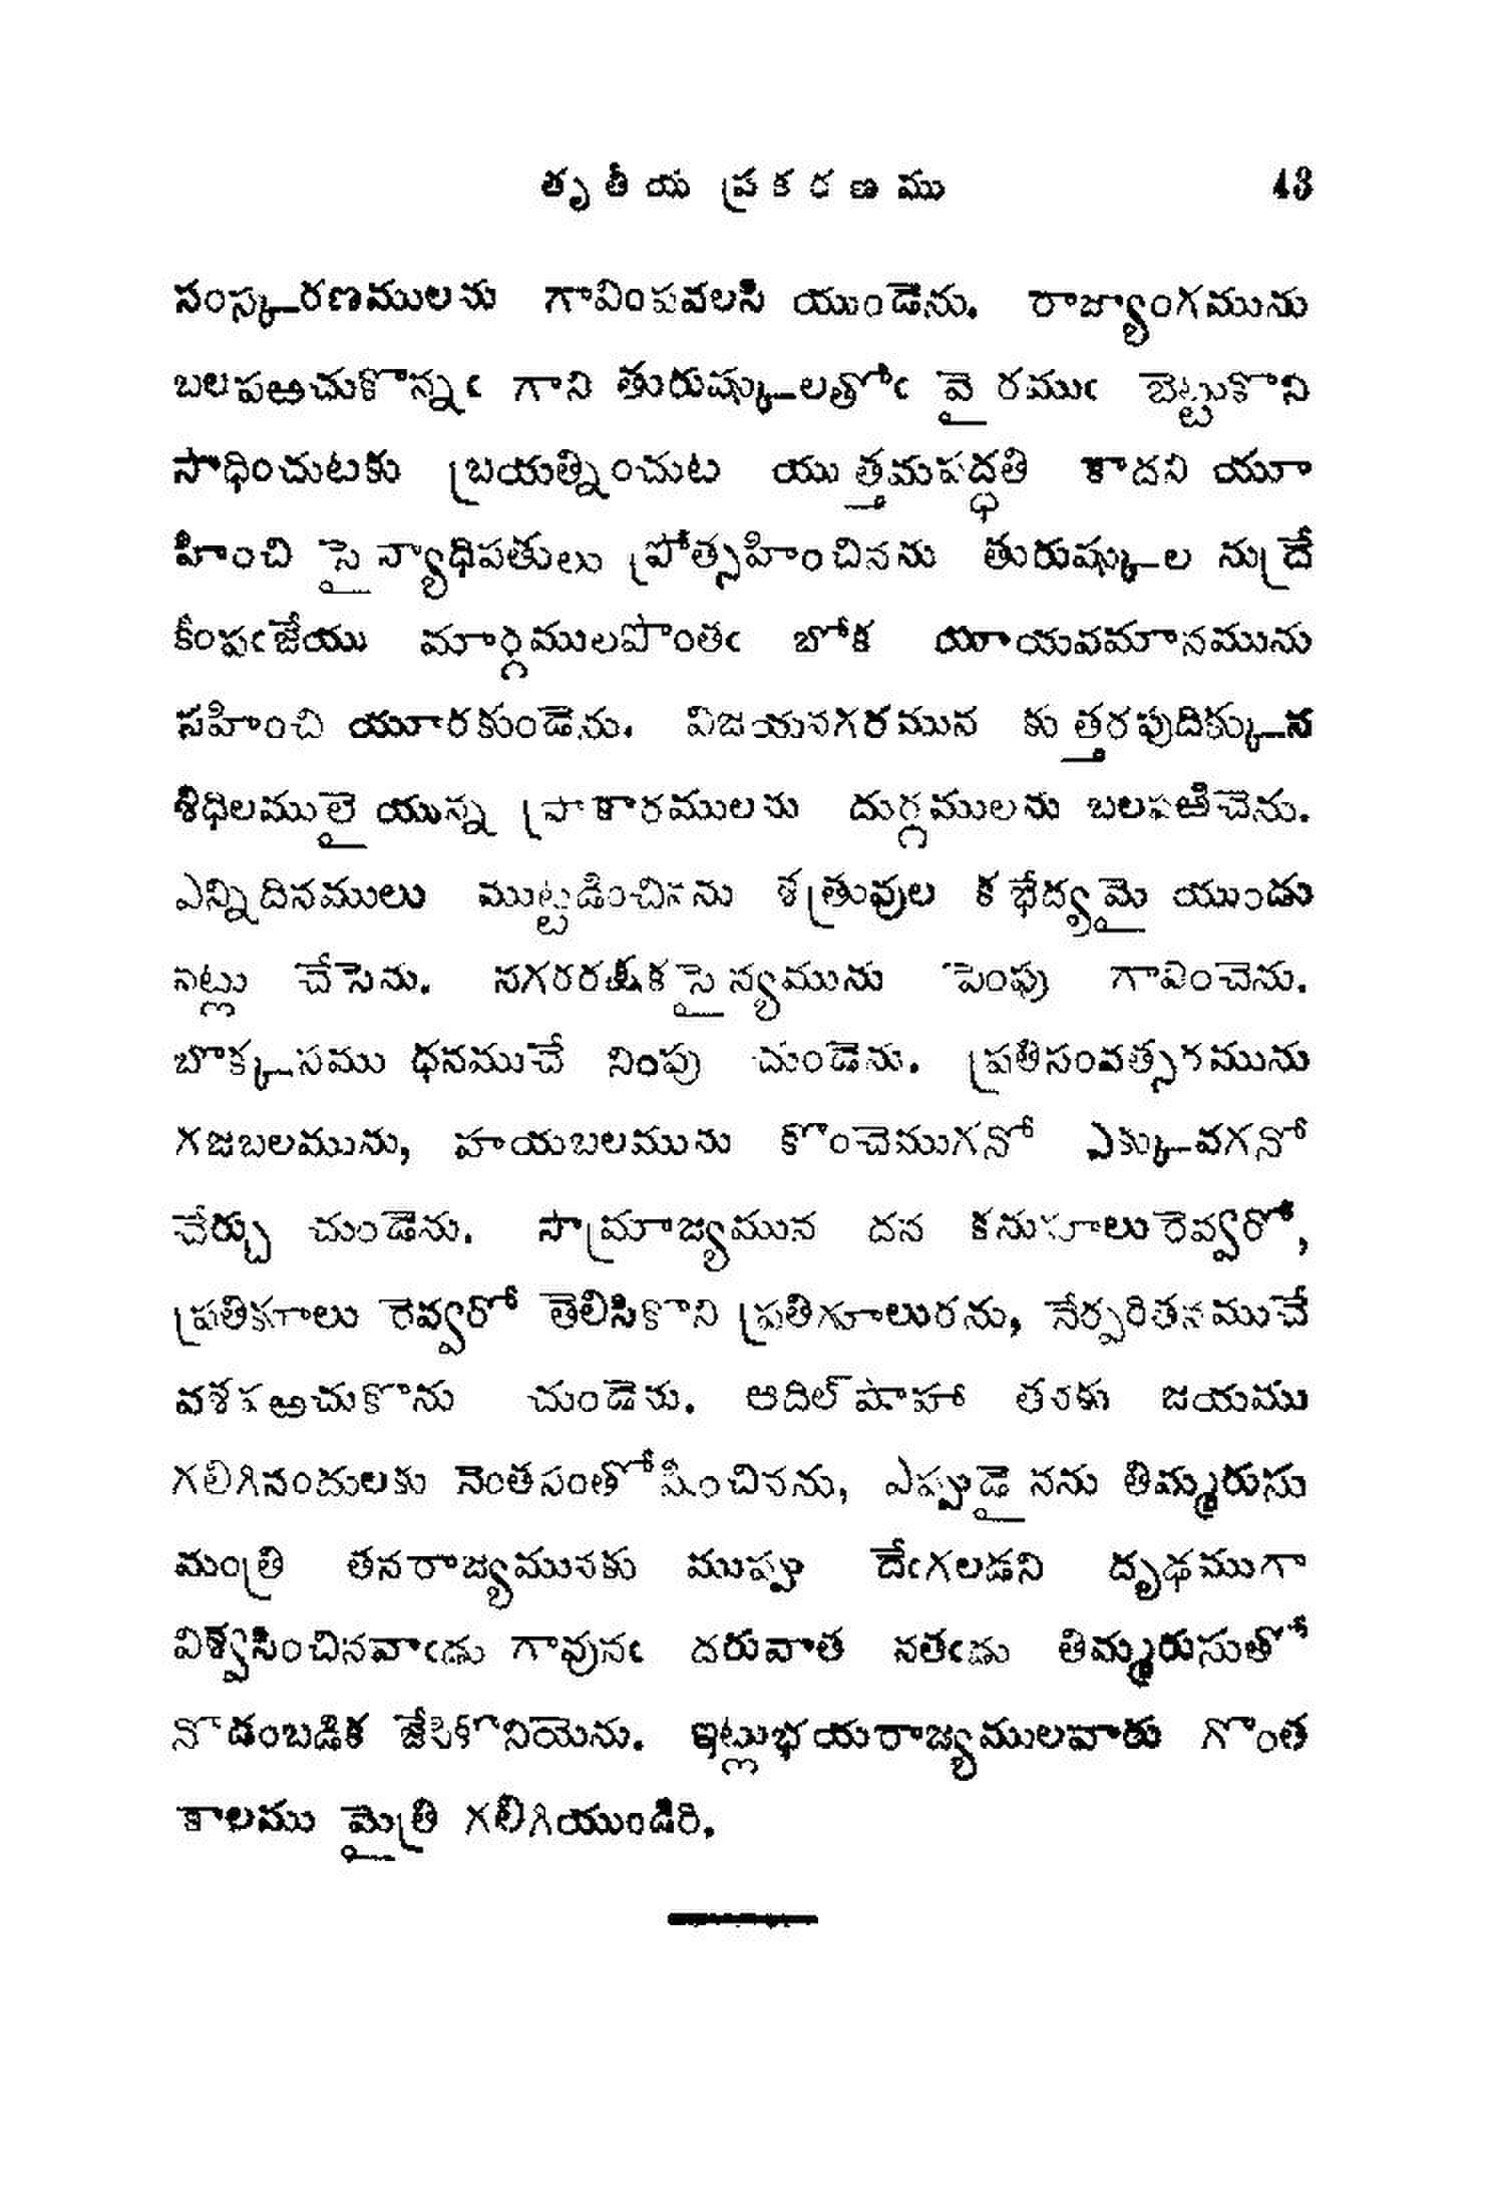సంస్కరణములను గావింపవలసి యుండెను. రాజ్యంగమును బలపఱచుకొన్నఁ గాని తురుష్కులతో వైరముఁ బెట్టుకొని సాధించుటకు బ్రయత్నించుట యుత్తమపద్దతి కాదని యూహించి సైన్యాధిపతులు ప్రోత్సహించినను తురుష్కుల నుద్ద్రేకింపఁజేయు మార్గములపొంతఁ బోక యాయవమానమును సహించి యూరకుండెను. విజయనగరమున కుత్తరఫుదిక్కున శిధిలములై యున్న ప్రాకారములను దుర్గములను బలపఱిచెను. ఎన్నిదినములు ముట్టడించినను శత్రువుల కభేద్యమై యుండునట్లు చేసెను. నగరరక్షుకసైన్యమును పెంపు గావించెను. బొక్కసము ధనముచే నింపు చుండెను. ప్రతిసంవత్సరమును గజబలమును, హయబలమును కొంచెముగనో ఎక్కువగనో చేర్చు చుండెను. సామ్రాజ్యమున దన కనుకూలు రెవ్వరో, ప్రతికూలు రెవ్వరో తెలిసికొని ప్రతిగూలురను, నేర్పరితనముచే వశపఱచుకొను చుండెను. ఆదిల్‌షాహా తనకు జయము గలిగినందులకు నెంతసంతోషించినను, ఎప్పుడైనను తిమ్మరుసు మంత్రి తనరాజ్యమునకు ముప్పు దేఁగలడని దృఢముగా విశ్వసించినవాఁడు గావునఁ దరువాత నతఁడు తిమ్మరుసుతో నొడంబడిక జేసికొనియెను. ఇట్లుభయరాజ్యములవారు గొంతకాలము మైత్రి గలిగియుండిరి.

___________